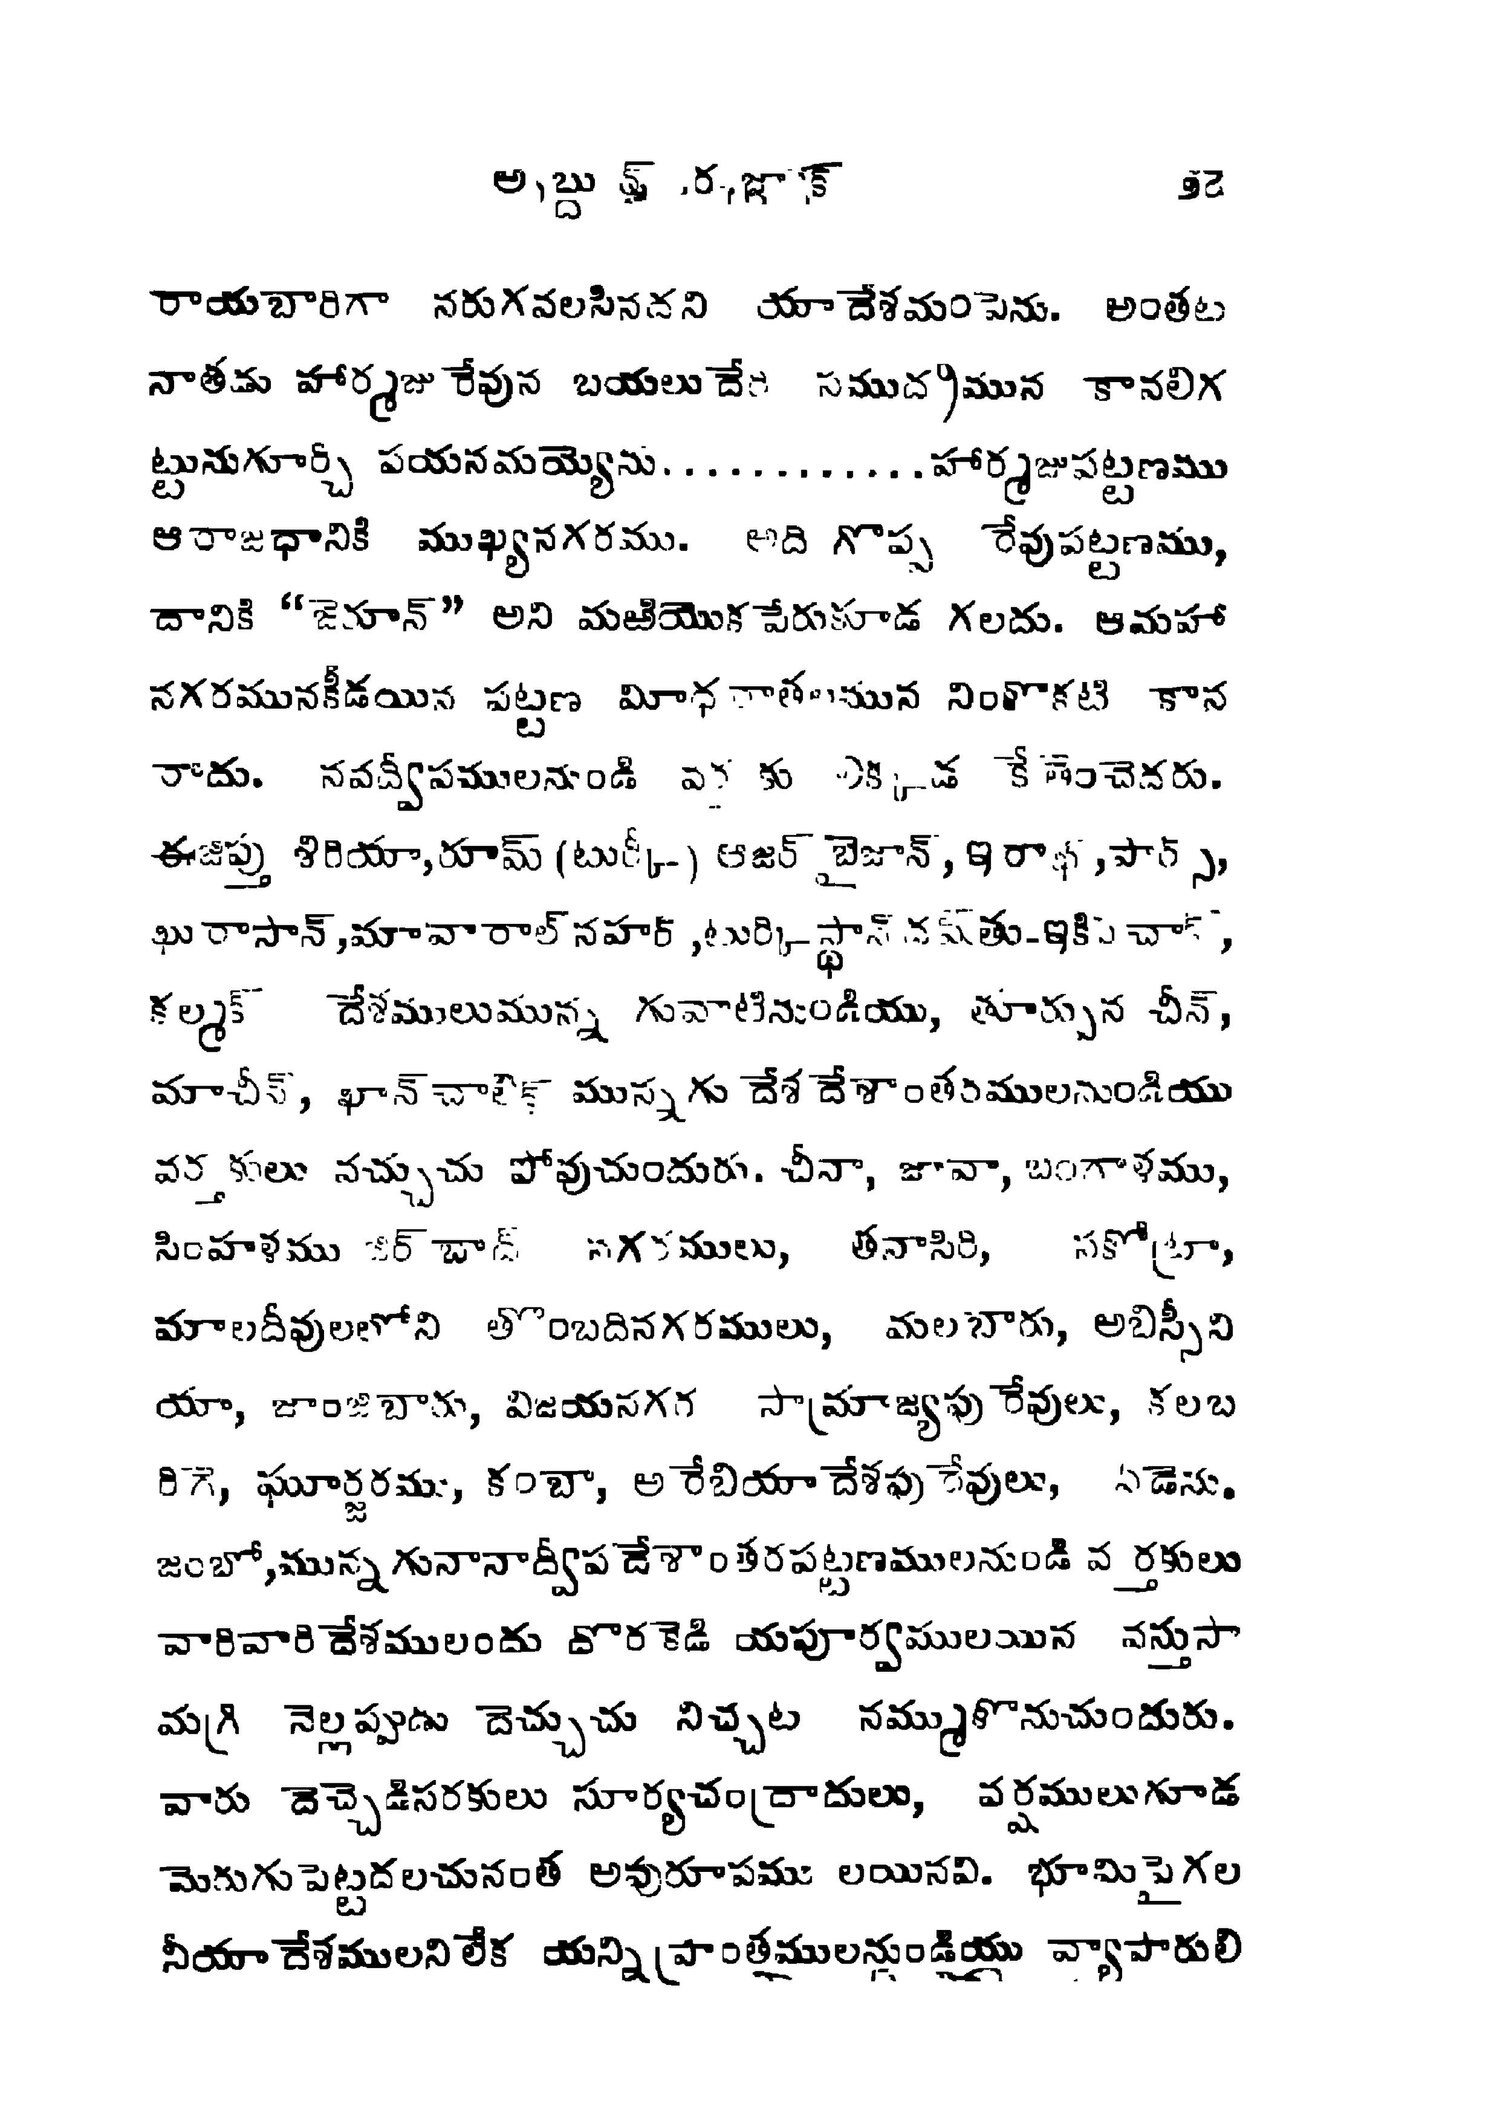రాయబారిగా నరుగవలసినదని యాదేశమంపెను. అంతట నాతడు హార్మజు రేవున బయలుదేరి సముద్రమున కావలిగట్టును గూర్చి పయనమయ్యెను.......... హార్మజు పట్టణము ఆరాజధానికి ముఖ్యనగరము. అది గొప్ప రేవు పట్టణము, దానికి "జెరూన్" అని మఱియొక పేరుకూడ గలదు. ఆమహానగరమునకీడయిన పట్టణ మీ ధరాతలమున నింకొకటి కానరాదు. నవద్వీపములనుండి వర్తకు లిక్కడ కేతెంచెదరు. ఈజిప్తు శిరియా, రూమ్, (టుర్కీ) ఆజర్ బైజాన్, ఇరాఖ్, పార్సి, ఖురాసాన్, మావారాల్ నహర్, టుర్కిస్థాన్‌దష్‌తు-ఇకినిచాన్, కల్మక్ దేశములుమున్న గువాటినుండియు, తూర్పున చీన్, మాచీన్, ఖాన్‌చాలిన్ మున్నగు దేశదేశాంతరముల నుండియు వర్తకులు వచ్చుచు పోవుచుందురు. చీనా, జావా, బంగాళము, సింహళము జిర్‌బాద్ నగరములు, తనాసిరి, సకోట్రా, మాలదీవులలోని తొంబదినరములు, మలబారు, అబిస్సీనియా, జాంజిబారు, విజయనగర సామ్రాజ్యపు రేవులు, కలబరిగె, ఘూర్జరము, కంబా, అరేబియా దేశపు రేవులు, ఏడెను, జంబో, మున్నగు నానాద్వీపదేశాంతర పట్టణములనుండి వర్తకులు వారివారి దేశములందు దొరకెడి యపూర్వములయిన వస్తుసామగ్రి నెల్లప్పుడు దెచ్చుచు నిచ్చట నమ్ముకొను చుందురు. వారు దెచ్చెడిసరకులు సూర్యచంద్రాదులు, వర్షములుగూడ మెరుగు పెట్టదలచునంత అపురూపము లయినవి. భూమిపైగల నీయాదేశములనిలేక యన్నిప్రాంతములనుండియు వ్యాపారులి